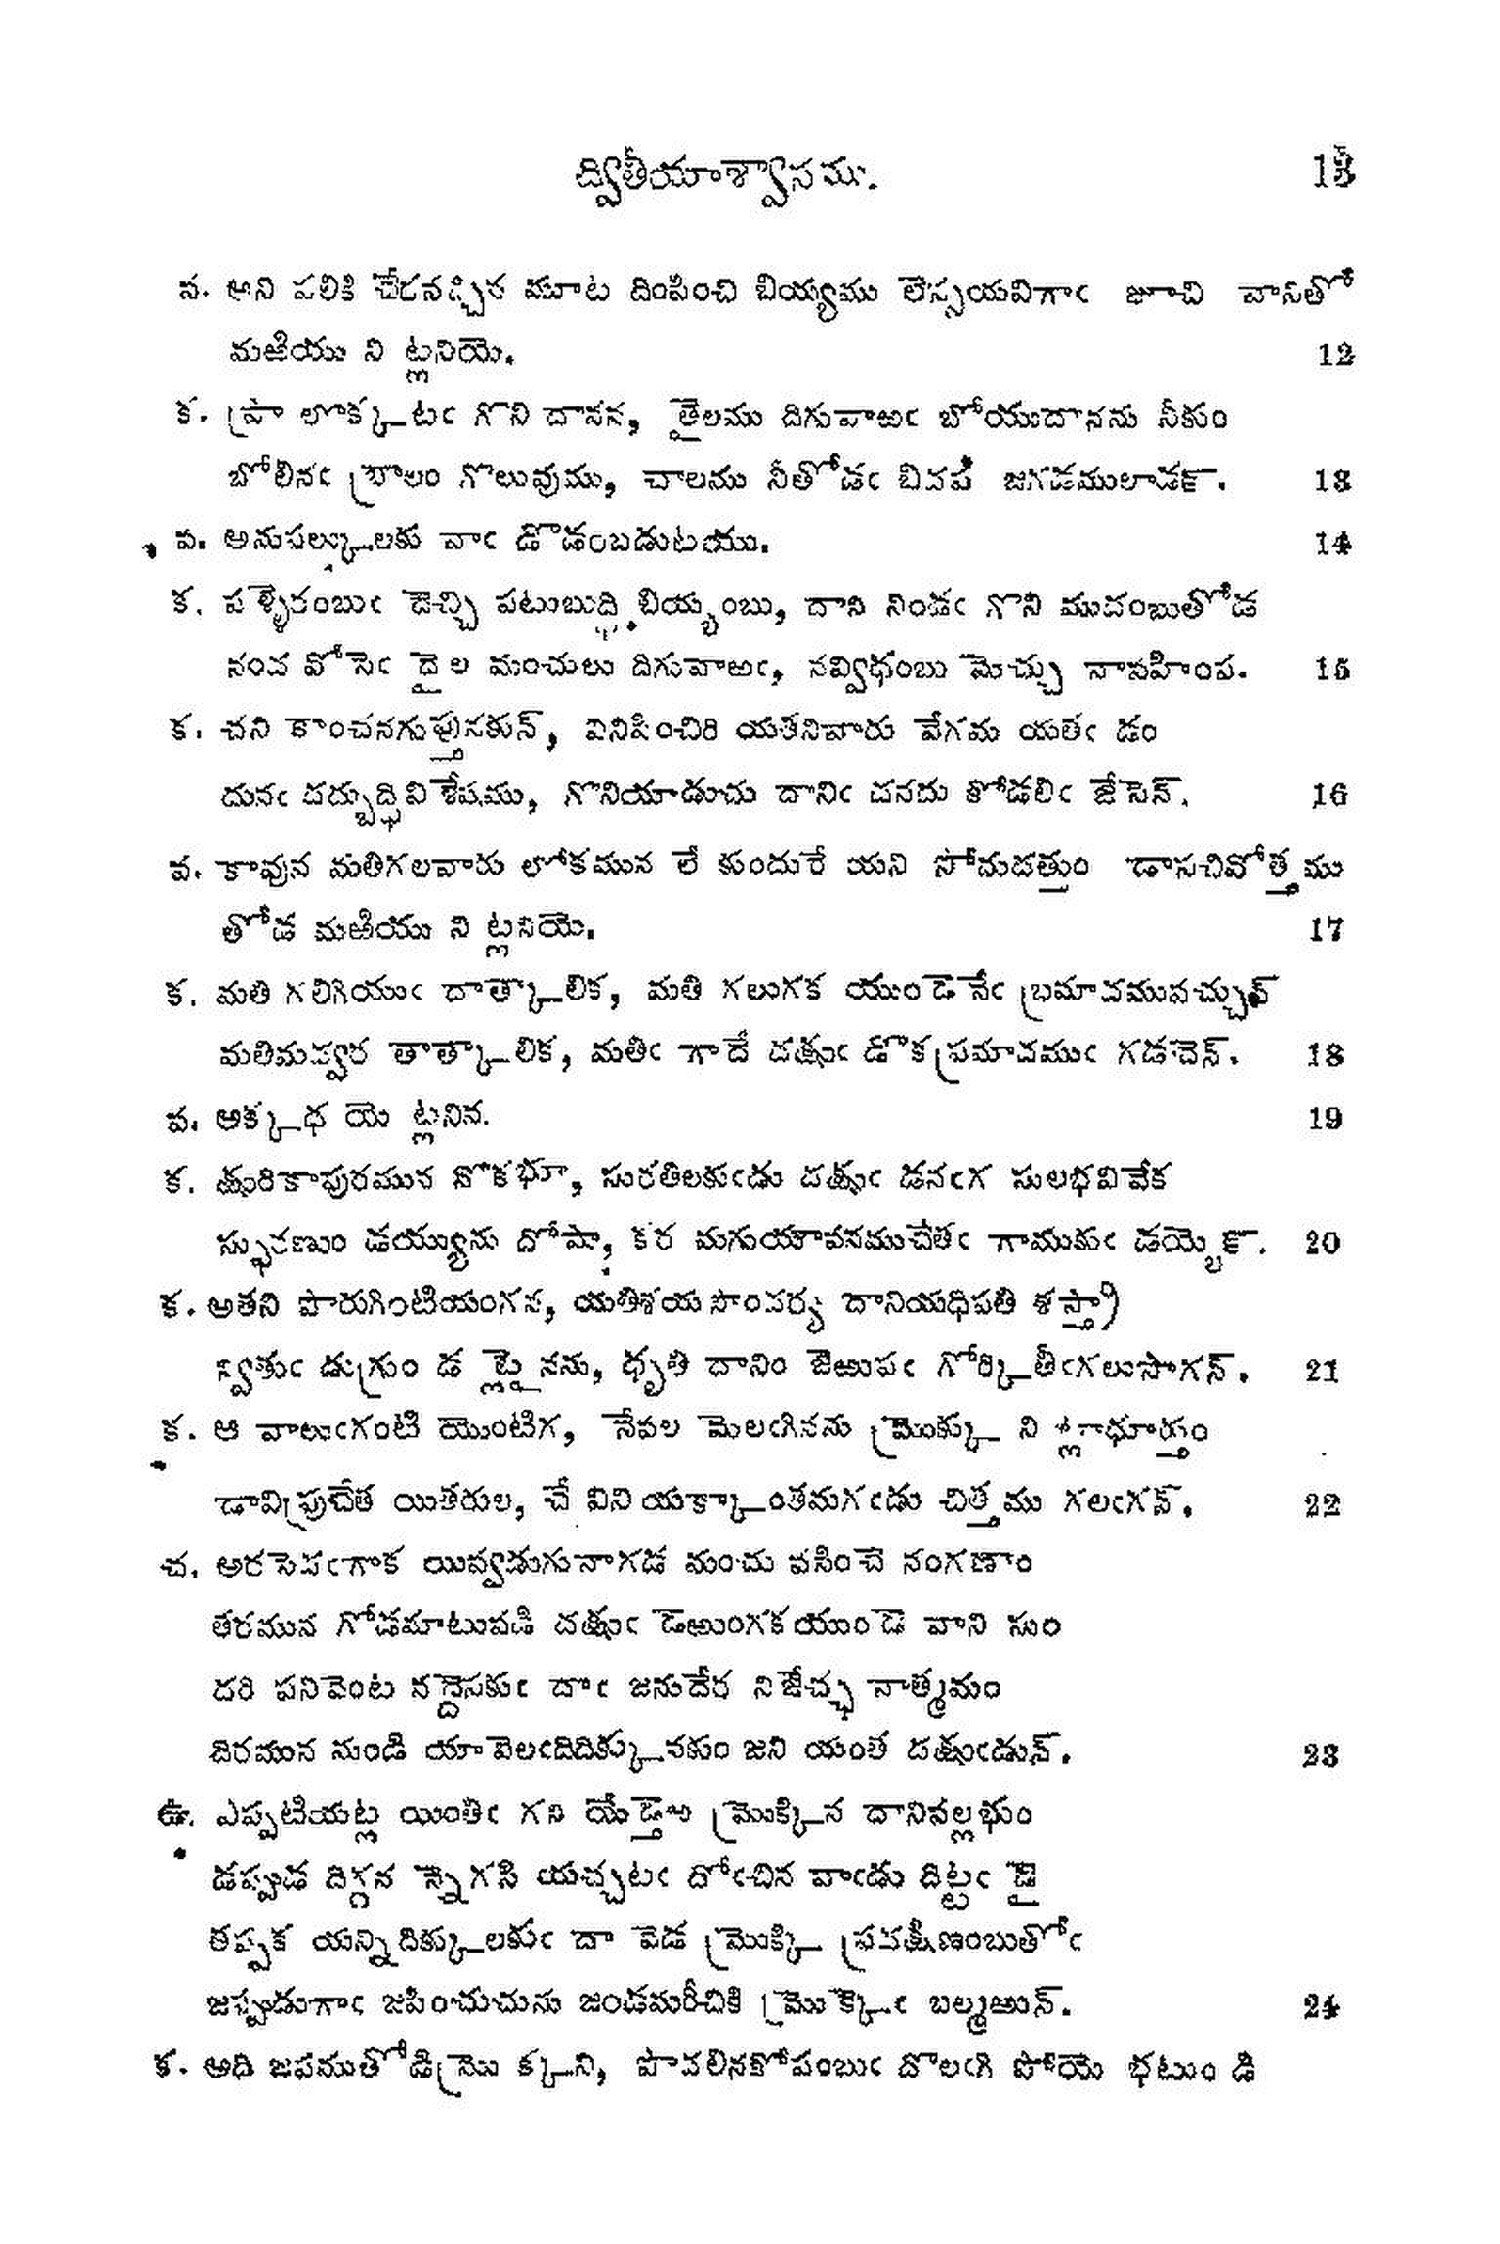వ. అని పలికి చేరవచ్చిన మూట దింపించి బియ్యము లెస్సయవిగాఁ జూచి వానితో
 మఱియు ని ట్లనియె.
క. ప్రా లొక్కటఁ గొని దానన, తైలము దిగువాఱఁ బోయుదానను నీకుం
 బోలినఁ బ్రాలం కొలువుము, చాలము నీతోడఁ బిదప జగడములాడన్.
వ. అనుపల్కులకు వాఁ డొడంబడుటయు.
క. పళ్ళెరంబుఁ దెచ్చి పటుబుద్ధి బియ్యంబు, దాని నిండఁ గొని ముదంబుతోడ
 నంచ వోసెఁ దైల మంచులు దిగువాఱఁ, నవ్విధంబు మెచ్చు నావహింప.
క. చని కాంచనగుప్తునకున్, వినిషించిరి యతనివారు వేగమ యతఁ డం
 దునఁ దద్బుద్ధివిశేషము, కొనియాడుచు దానిఁ దనదు కోడలిఁ జేసెన్.
వ. కావున మతిగలవారు లోకమున లే కుందురే యని సోమదత్తుం డాసచివోత్తము
 తోడ మఱియు నిట్లనియె.
క. మతి గలిగియుఁ దాత్కాలిక , మతి గలుగక యుండెనేఁ బ్రమాదము వచ్చున్
 మతిమద్వర తాత్కాలిక, మతిఁ గాదే డక్షుఁ డొకప్రమాదముఁ గడచెన్.
వ. అక్కథ యెట్లనిన.
క. క్షురికాపురమున నొకభూ, సురతిలకుఁడు దక్షుఁ డనఁగ సులభవివేక
 స్ఫురణుం డయ్యును దోషా, కర మగుయౌవనముచేతఁ గాముకుఁ డయ్యెన్.
క. అతని పొరుగింటియంగన, యతిశయసౌందర్య దానియధిపతి శస్త్రా
 న్వితుఁ డుగ్రుం డ ట్లైనను, ధృతి దానిం జెఱుపఁ గోర్కి తీగలుసాగన్.
క. ఆ వాలుఁగంటి యొంటిగ, నేవల మెలఁగినను మ్రొక్కు ని ట్లాధూర్తుం
 డావిప్రుచేత యితరుల, చే విని యక్కాంతమగఁడు చిత్తము గలఁగన్.
చ. అరసెదఁ గాక యివ్వడుగునాగడ మంచు వసించె నంగణాం
 తరమున గోడమాటుపడి దక్షుఁ డెఱుంగక యుండె వాని సుం
 దరి పనివెంట నద్దెసకుఁ దాఁ జనుదేర నిజేచ్ఛ నాత్మమం
 దిరమున నుండి యావెలఁదిదిక్కునకుం జని యంత దక్షుఁడున్.
ఉ. ఎప్పటియట్ల యింతిఁ గని యేడ్తెఱ మ్రొక్కిన దానివల్లభుం
 డప్పుడ దిగ్గన న్నెగసి యచ్చటఁ దోఁచిన వాఁడు దిట్టఁ డై
 తప్పక యన్నిదిక్కులకుఁ దా వెడ మ్రొక్కి ప్రదక్షిణంబుతోఁ
 జప్పుడుగాఁ జపించుచును జండమరీచికి మ్రొక్కెెఁ బల్మఱున్.
క. అది జపముతోడిమ్రొ క్కని, పొదలినకోపంబుఁ దొలఁగి పోయె భటుం డి